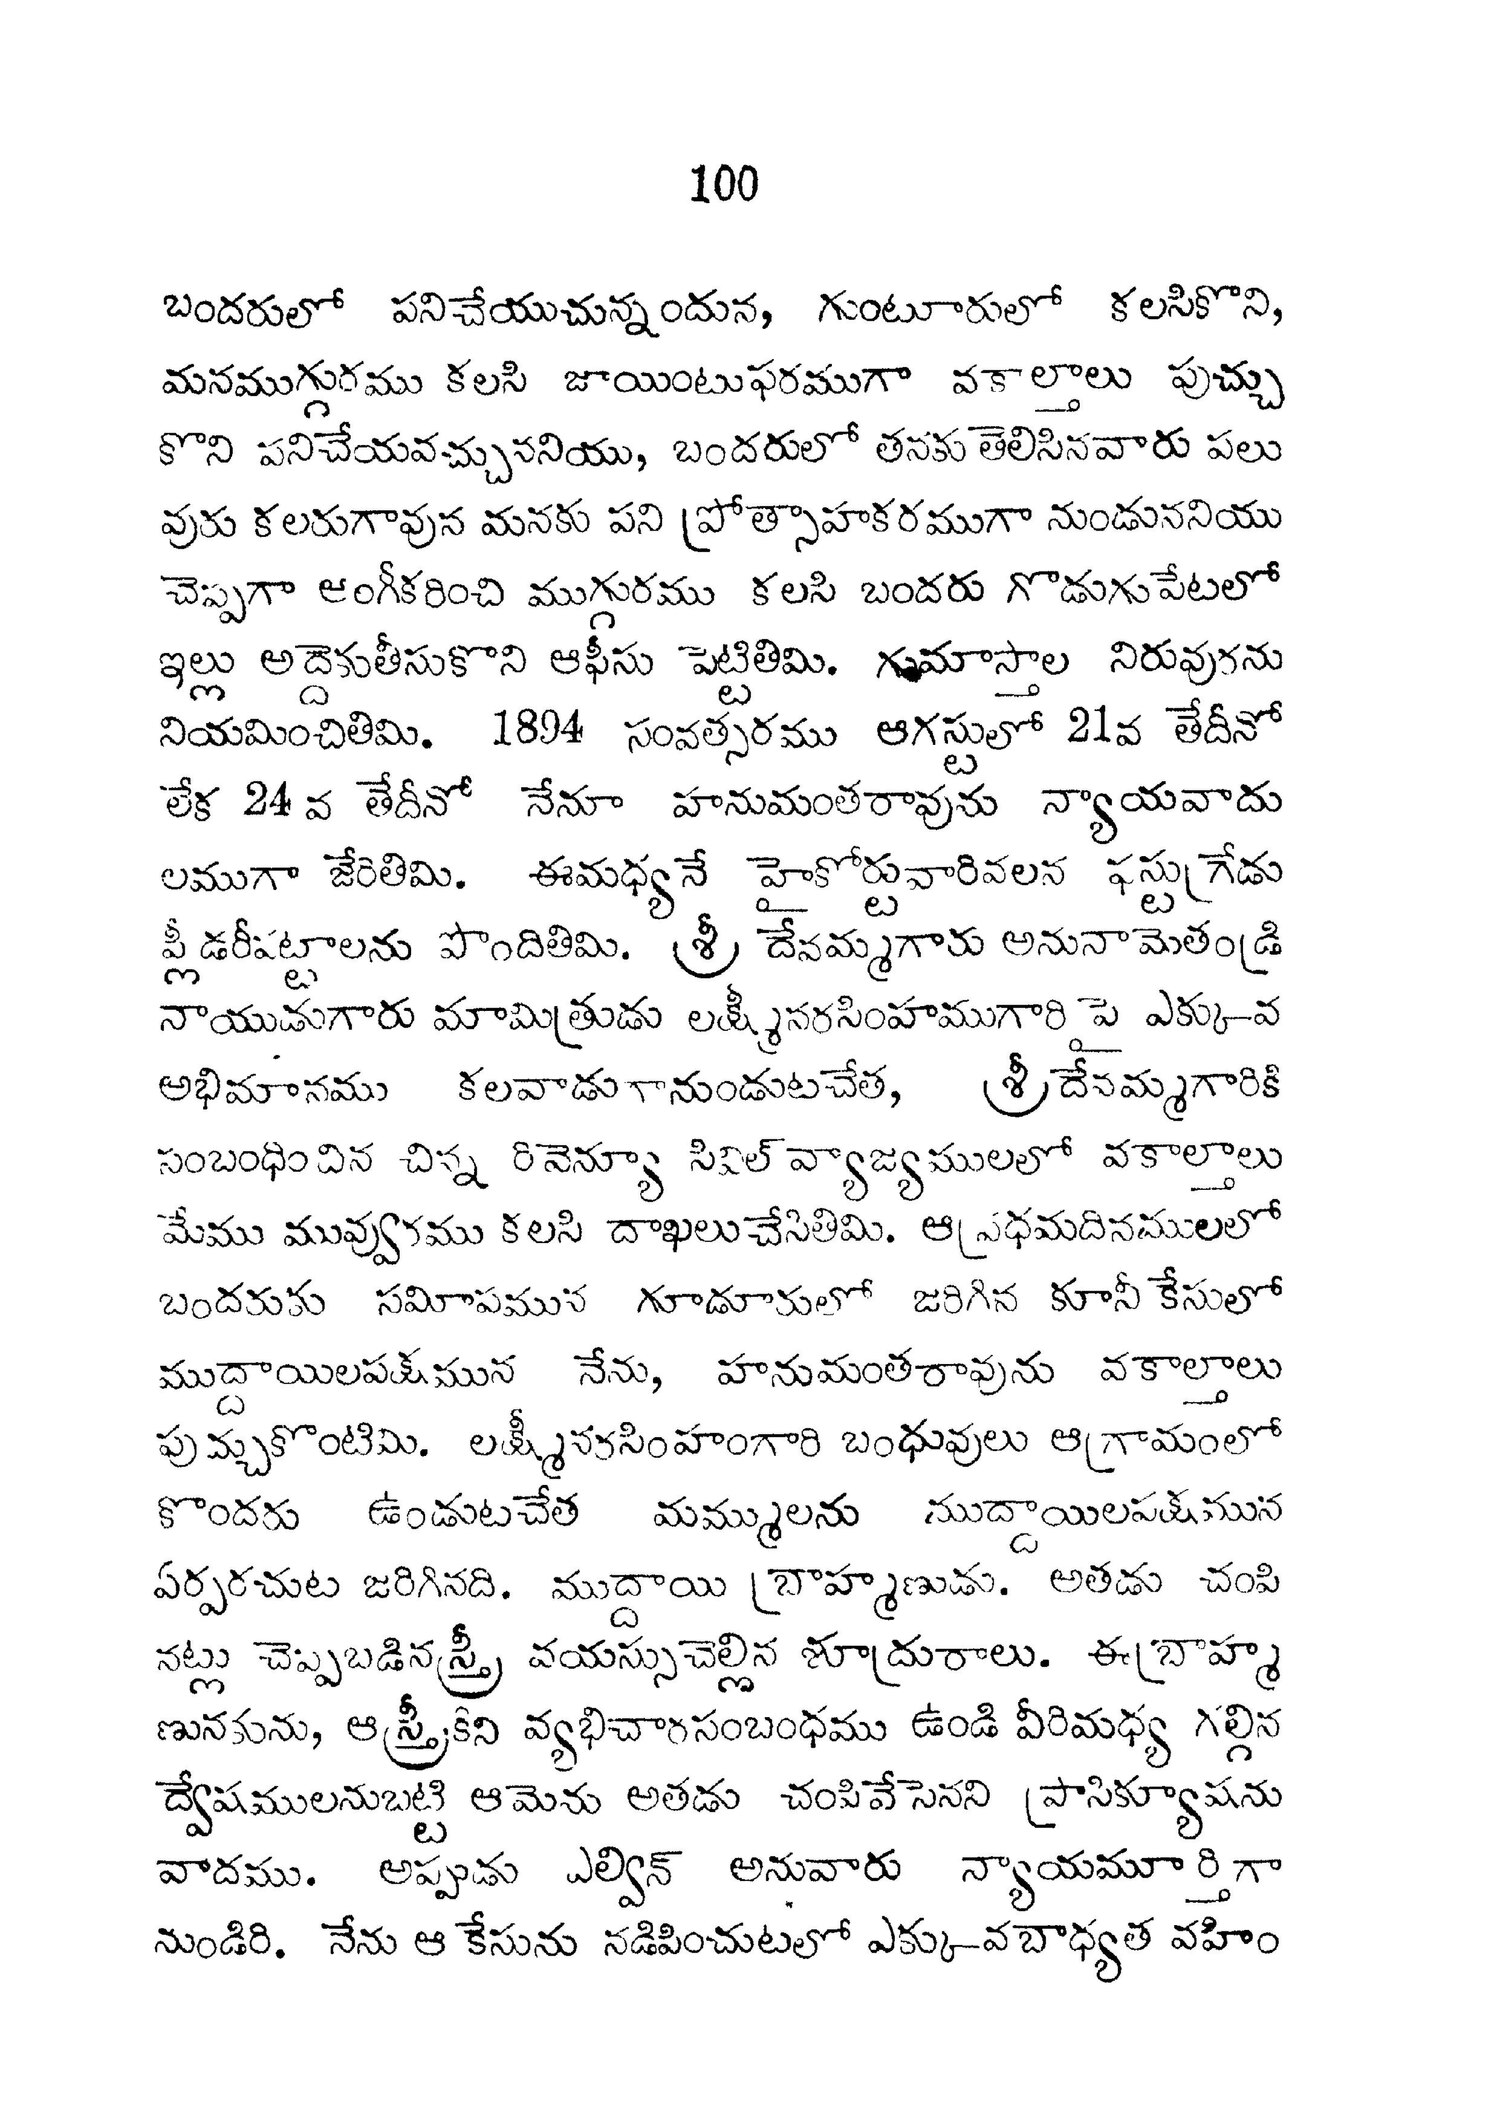బందరులో పనిచేయుచున్నందున, గుంటూరులో కలసికొని, మనముగ్గురము కలసి జాయింటుఫరముగా వకాల్తాలు పుచ్చుకొని పనిచేయవచ్చుననియు, బందరులో తనకు తెలిసినవారు పలువురు కలరుగావున మనకు పని ప్రోత్సాహకరముగా నుండుననియు చెప్పగా అంగీకరించి ముగ్గురము కలసి బందరు గొడుగుపేటలో ఇల్లు అద్దెకుతీసుకొని ఆఫీసు పెట్టితిమి. గుమస్తాల నిరువురను నియమించితిమి. 1894 సంవత్సరము ఆగష్టులో 21వ తేదీనో లేక 24వ తేదీనో నేనూ హనుమంతురావును న్యాయవాదులముగా జేరితిమి. ఈమధ్యనే హైకోర్టువారివలన ఫస్టుగ్రేడు ప్లీడరీపట్టాలను పొందితిమి. శ్రీ దేవమ్మగారు అనునామెతండ్రి నాయుడుగారు మామిత్రుడు లక్ష్మీనరసింహముగారిపై ఎక్కువ అభిమానము కలవాడుగానుండుటచేత, శ్రీదేవమ్మగారికి సంబంధించిన చిన్న రివెన్యూ సివిల్‌వ్యాజ్యములలో వకాల్తాలు మేము మువ్వురము కలసి దాఖలుచేసితిమి. ఆప్రధమదినములలో బందరుకు సమీపమున గూడూరులో జరిగిన కూనీ కేసులో ముద్దాయిలపక్షమున నేను, హనుమంతురావును వకాల్తాలు పుచ్చుకొంటిమి. లక్ష్మీనరసింహంగారి బంధువులు ఆగ్రామంలో కొందరు ఉండుటచేత మమ్ములను ముద్దాయిలపక్షమున ఏర్పరచుట జరిగినది. ముద్దాయి బ్రాహ్మణుడు. అతడు చంపినట్లు చెప్పబడినస్త్రీ వయస్సుచెల్లిన శూద్రురాలు. ఈబ్రాహ్మణునకును, ఆస్త్రీకిని వ్యభిచారసంబంధము ఉండి వీరిమధ్య గల్గిన ద్వేషములనుబట్టి ఆమెను అతడు చంపివేసెనని ప్రాసిక్యూషను వాదము. అప్పుడు ఎల్విన్ అనువారు న్యాయమూర్తిగా నుండిరి. నేను ఆ కేసును నడిపించుటలో ఎక్కువబాధ్యత వహిం